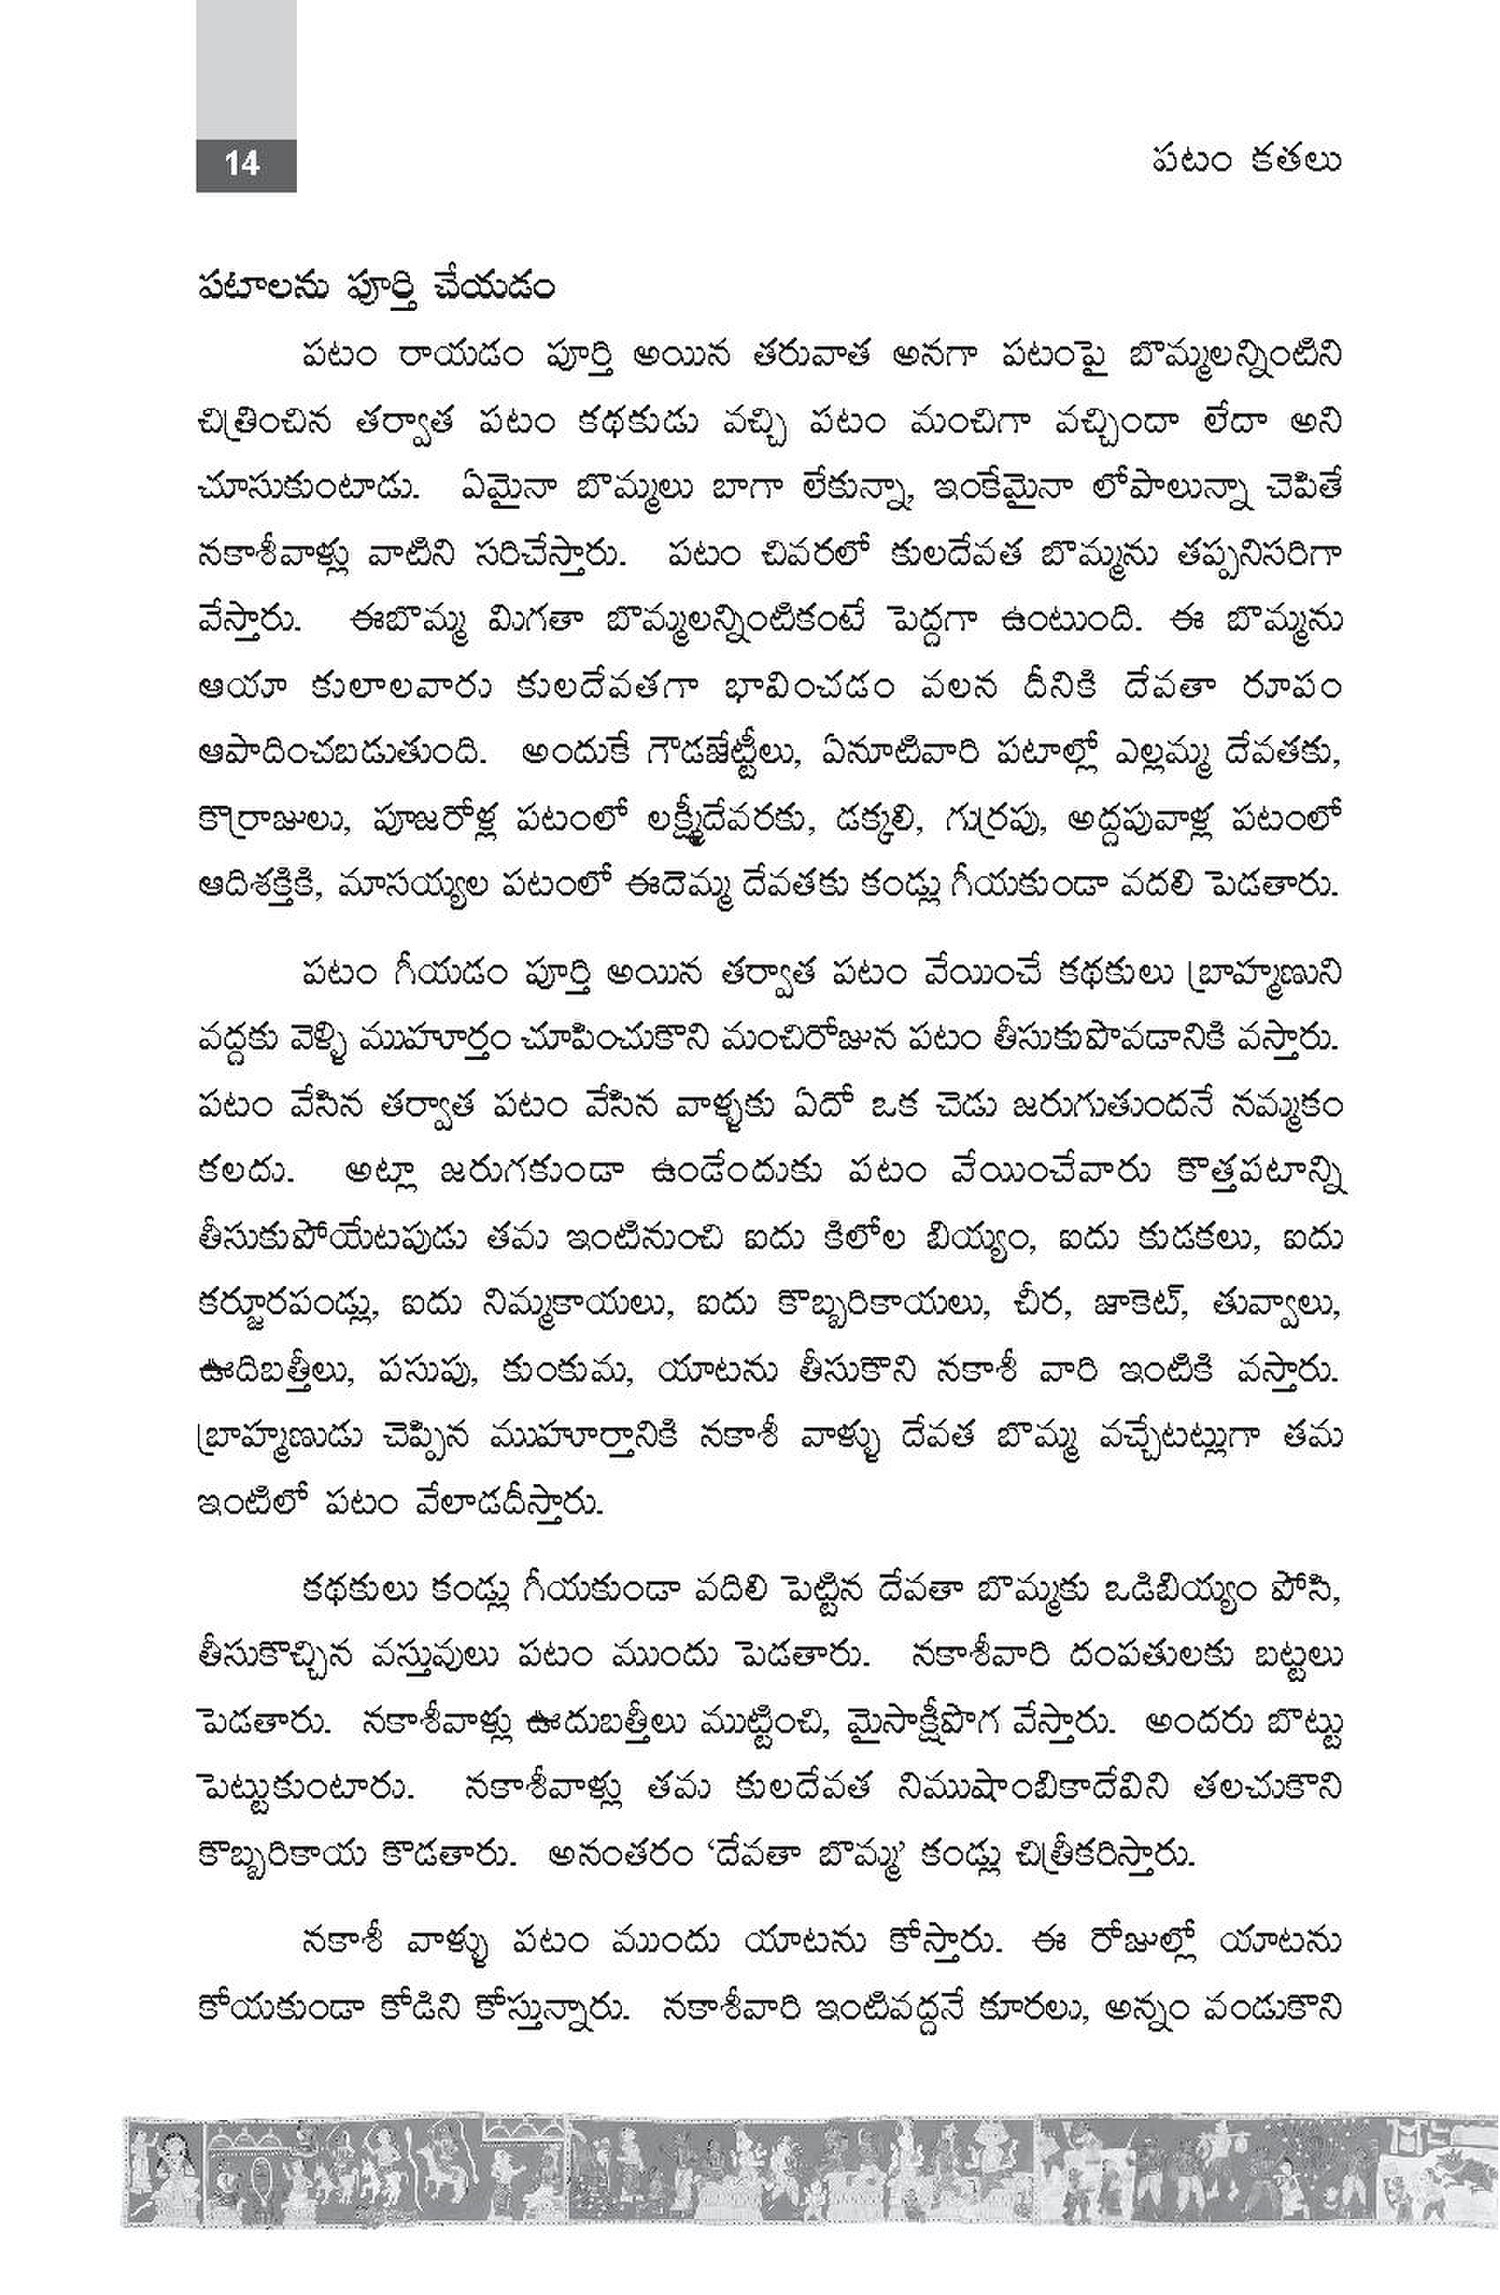పటాలను పూర్తి చేయడం 

పటం రాయడం పూర్తి అయిన తరువాత అనగా పటంపై బొమ్మలన్నింటిని చిత్రించిన తర్వాత పటం కథకుడు వచ్చి పటం మంచిగా వచ్చిందా లేదా అని చూసుకుంటాడు. ఏమైనా బొమ్మలు బాగా లేకున్నా, ఇంకేమైనా లోపాలున్నా చెపితే
నకాశీవాళ్లు వాటిని సరిచేస్తారు. పటం చివరలో కులదేవత బొమ్మను తప్పనిసరిగా వేస్తారు. ఈబొమ్మ మిగతా బొమ్మలన్నింటికంటే పెద్దగా ఉంటుంది. ఈ బొమ్మను ఆయా కులాలవారు కులదేవతగా భావించడం వలన దీనికి దేవతా రూపం ఆపాదించబడుతుంది. అందుకే గౌడజెట్టీలు, ఏనూటివారి పటాల్లో ఎల్లమ్మ దేవతకు, కొర్రాజులు, పూజరోళ్ల పటంలో లక్ష్మీదేవరకు, డక్కలి, గుర్రపు, అద్దపువాళ్ల పటంలో ఆదిశక్తికి, మాసయ్యల పటంలో ఈదెమ్మ దేవతకు కండ్లు గీయకుండా వదలి పెడతారు.

పటం గీయడం పూర్తి అయిన తర్వాత పటం వేయించే కథకులు బ్రాహ్మణుని వద్దకు వెళ్ళి ముహూర్తం చూపించుకొని మంచిరోజున పటం తీసుకుపోవడానికి వస్తారు. పటం వేసిన తర్వాత పటం వేసిన వాళ్ళకు ఏదో ఒక చెడు జరుగుతుందనే నమ్మకం కలదు. అట్లా జరుగకుండా ఉండేందుకు పటం వేయించేవారు కొత్తపటాన్ని తీసుకుపోయేటపుడు తమ ఇంటినుంచి ఐదు కిలోల బియ్యం, ఐదు కుడకలు, ఐదు కర్జూరపండ్లు, ఐదు నిమ్మకాయలు, ఐదు కొబ్బరికాయలు, చీర, జాకెట్, తువ్వాలు, ఊదిబత్తీలు, పసుపు, కుంకుమ, యాటను తీసుకొని నకాశీ వారి ఇంటికి వస్తారు. బ్రాహ్మణుడు చెప్పిన ముహూర్తానికి నకాశీ వాళ్ళు దేవత బొమ్మ వచ్చేటట్లుగా తమ ఇంటిలో పటం వేలాడదీస్తారు.

కథకులు కండ్లు గీయకుండా వదిలి పెట్టిన దేవతా బొమ్మకు ఒడిబియ్యం పోసి, తీసుకొచ్చిన వస్తువులు పటం ముందు పెడతారు. నకాశీవారి దంపతులకు బట్టలు పెడతారు. నకాశీవాళ్లు ఊదుబత్తీలు ముట్టించి, మైసాక్షీపొగ వేస్తారు. అందరు బొట్టు పెట్టుకుంటారు. నకాశీవాళ్లు తమ కులదేవత నిముషాంబికాదేవిని తలచుకొని కొబ్బరికాయ కొడతారు. అనంతరం 'దేవతా బొమ్మ' కండ్లు చిత్రీకరిస్తారు. నకాశీ వాళ్ళు పటం ముందు యాటను కోస్తారు. ఈ రోజుల్లో యాటను కోయకుండా కోడిని కోస్తున్నారు. నకాశీవారి ఇంటివద్దనే కూరలు, అన్నం వండుకొని